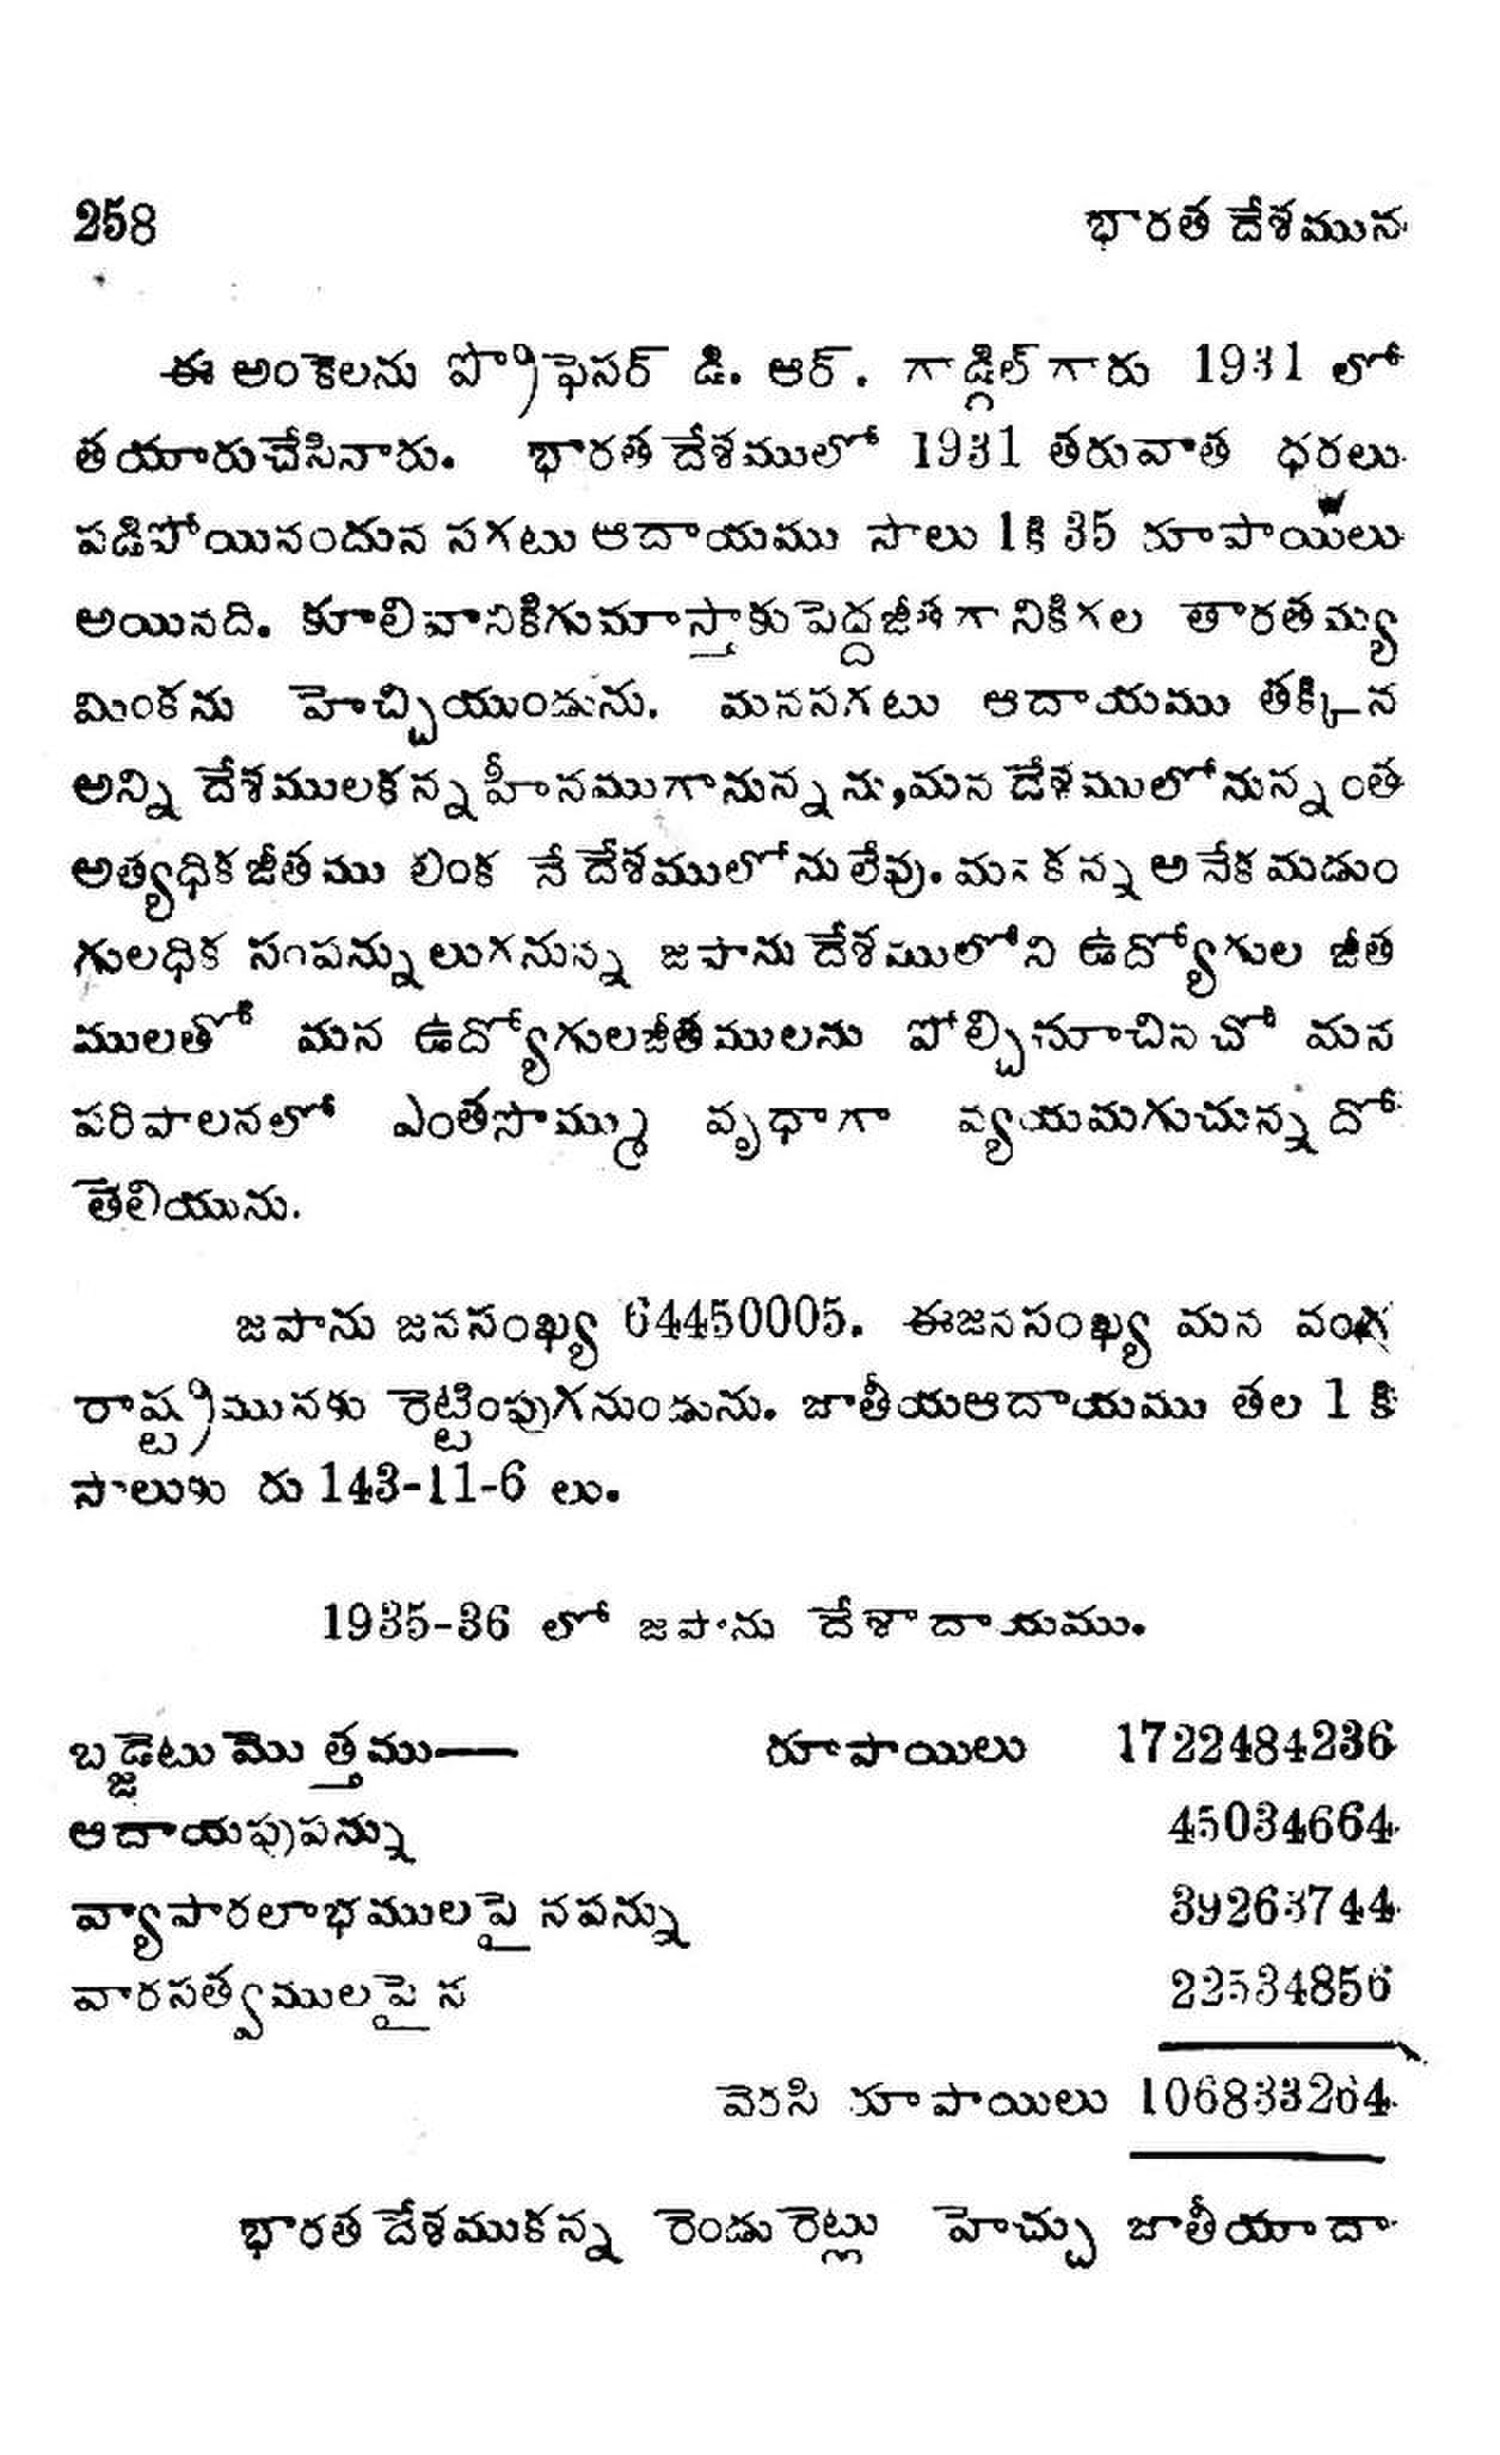ఈఅంకెలను ప్రొఫెసర్ డి. ఆర్. గాడ్గిల్ గారు 1931 లో తయారుచేసినారు. భారతదేశములో 1931 తరువాత ధరలు పడిపోయినందున సగటు ఆదాయము సాలు 1కి 35 రూపాయిలు అయినది. కూలివానికి గుమాస్తాకు పెద్దజీతగానికిగల తారతమ్య మింకను హెచ్చియుండును. మనసగటు ఆదాయము తక్కిన అన్ని దేశములకన్న హీనముగానున్నను, మన దేశములోనున్నంత అత్యధికజీతము లింక నేదేశములోనులేవు. మనకన్న అనేకమడుంగులధిక సంపన్నులుగనున్న జపానుదేశములోని ఉద్యోగుల జీతములతో మన ఉద్యోగులజీతములను పోల్చిచూచినచో మన పరిపాలనలో ఎంతసొమ్ము వృధాగా వ్యయమగుచున్నదో తెలియును.

జపాను జనసంఖ్య 64450005. ఈజనసంఖ్య మన వంగరాష్ట్రమునకు రెట్టింపుగనుండును. జాతీయ ఆదాయము తల 1కి సాలుకు రు 148-11-6 లు.

 బడ్జెటుమొత్తము రూపాయిలు 1722484236 ఆదాయపుపన్ను రూపాయిలు 45034664 వ్యాపారలాభములపైనపన్ను రూపాయిలు 39263744 వారసత్వములపైన రూపాయిలు 22534856 - వెరసి రూపాయిలు 106833264

భారతదేశముకన్న రెండురెట్లు హెచ్చు జాతీయాదా